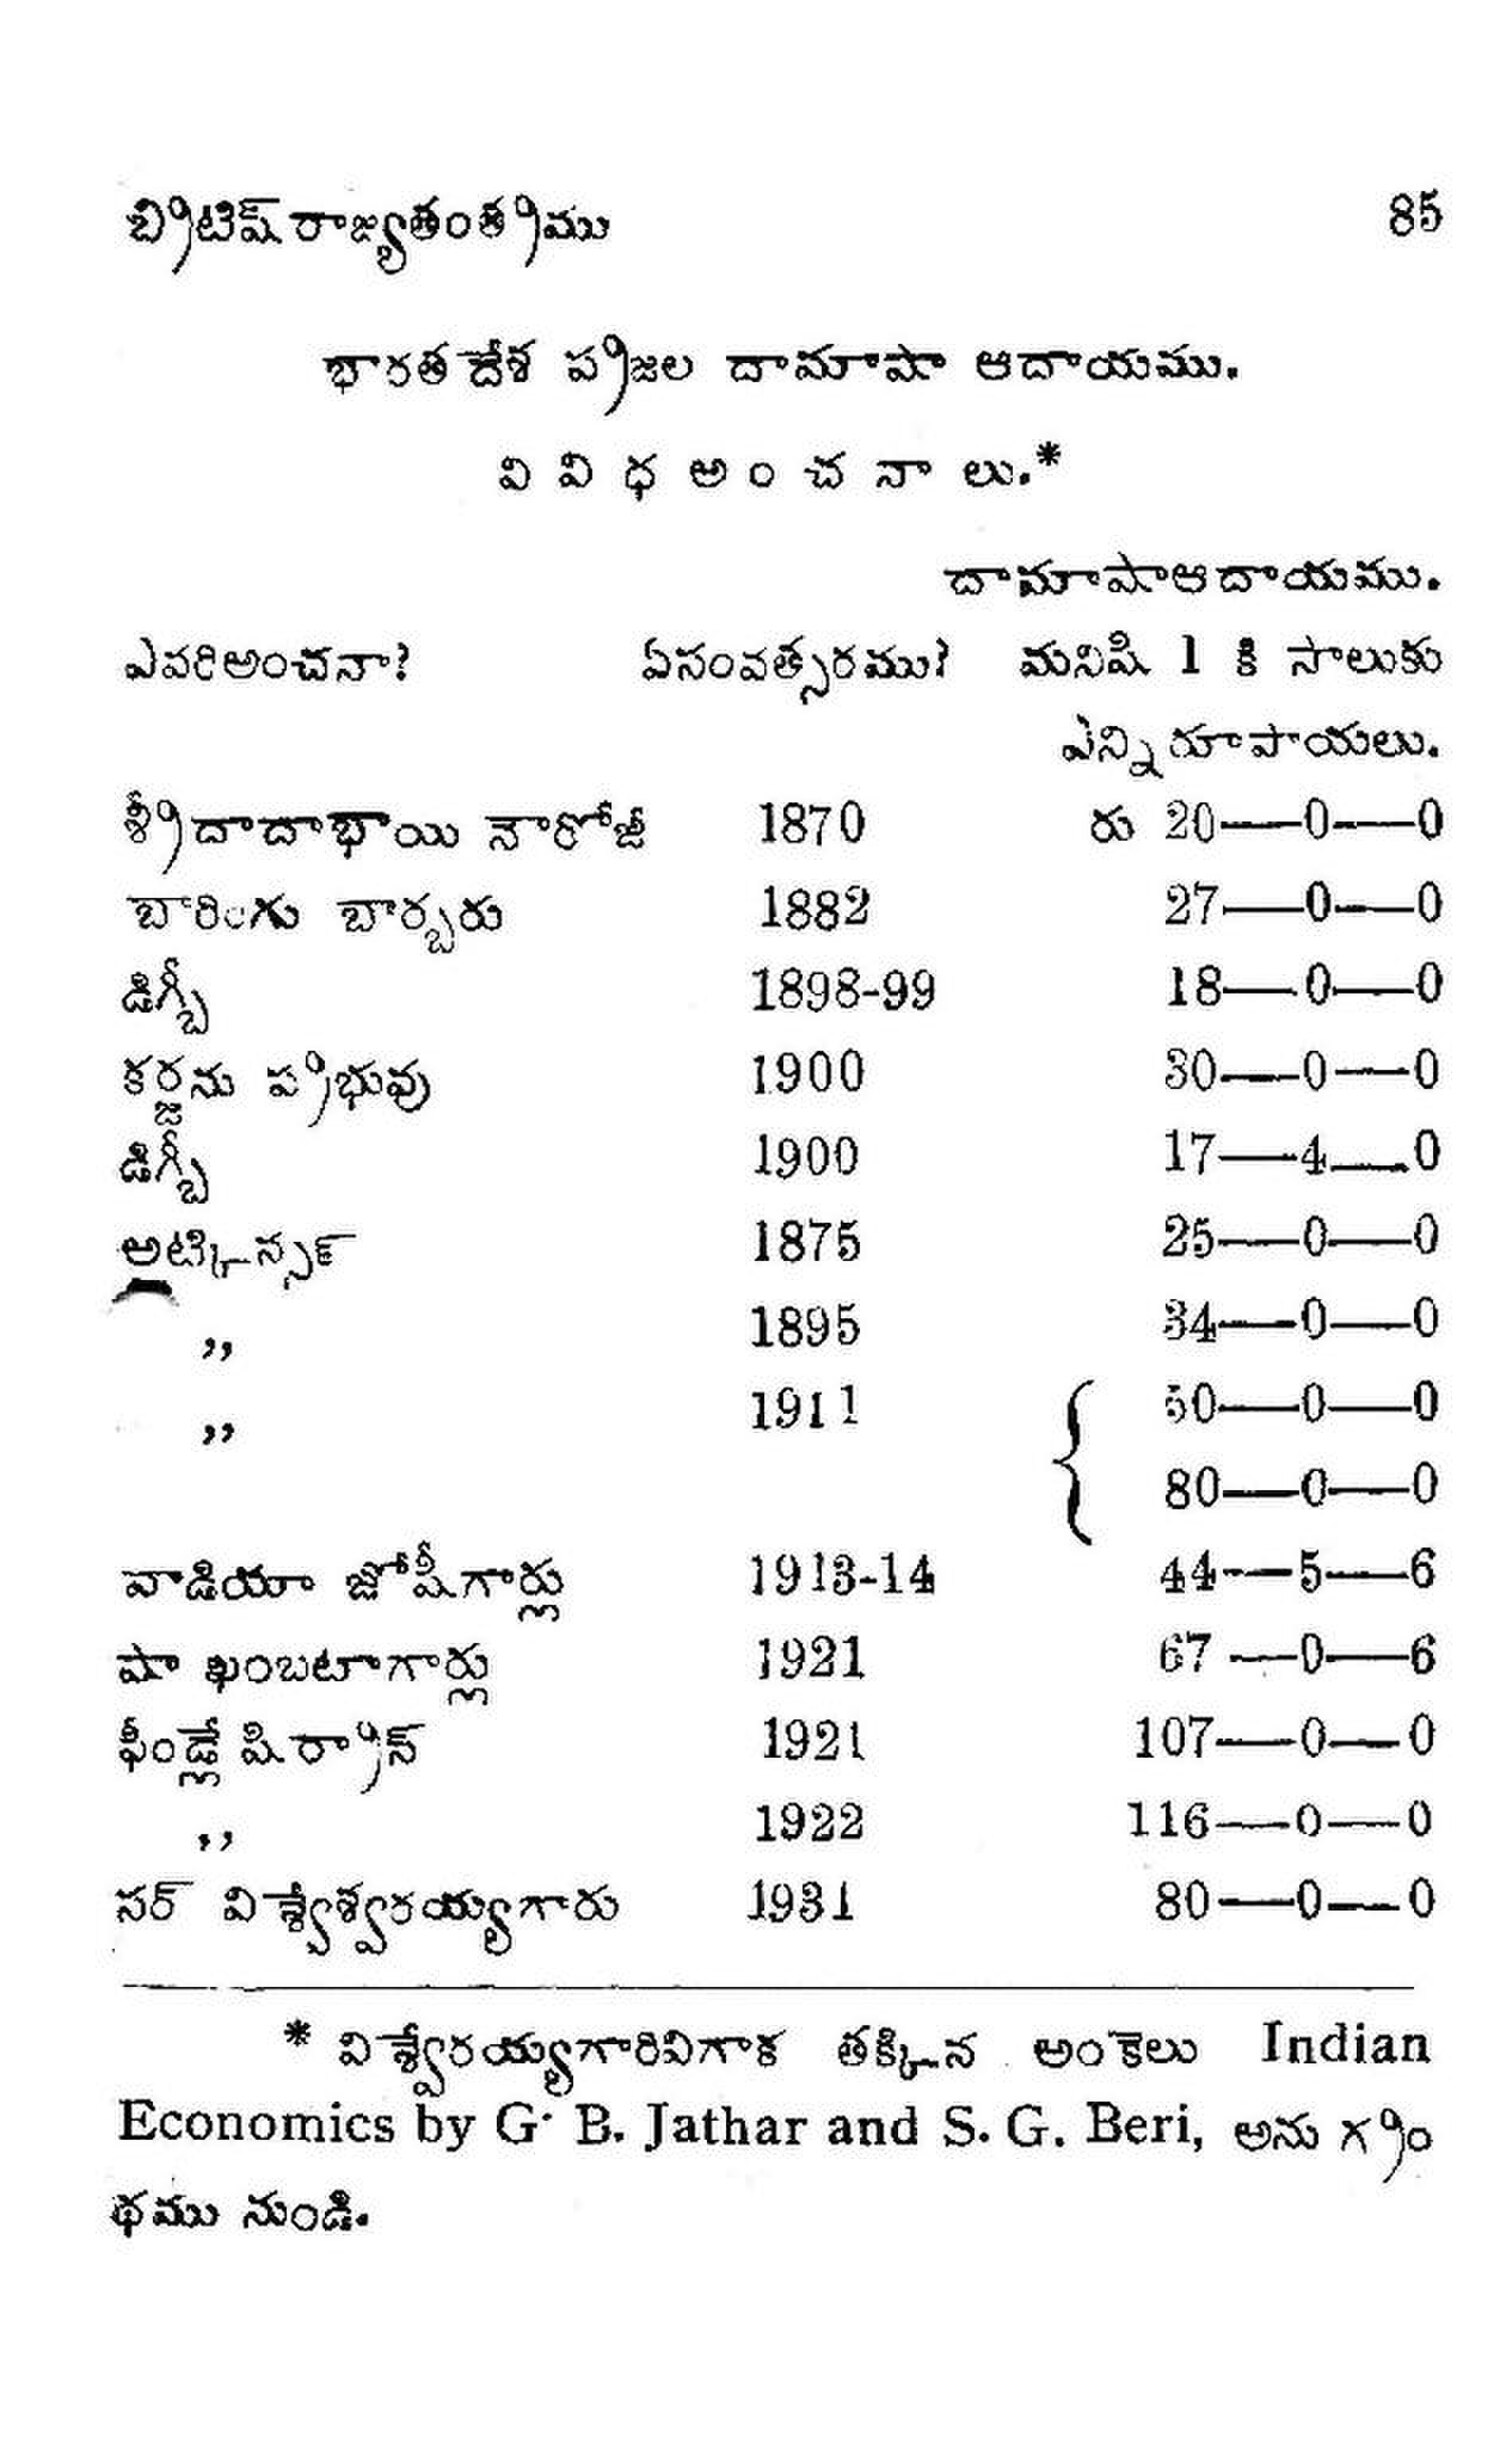భారతదేశ ప్రజల దామాషా ఆదాయము

వివిధ అంచనాలు.

 ఎవరిఅంచనా? ఏసంవత్సరము? దామాషాఆదాయము. మనిషి 1 కి సాలుకు ఎన్నిరూపాయలు శ్రీదాదాభాయి నౌరోజీ 1870 20 - 0 - 0 బారింగు బార్బరు 1882 27 - 0 - 0 డిగ్బీ 1898 - 99 18 - 0 - 0 కర్జను ప్రభువు 1900 30 - 0 - 0 డిగ్బీ 1900 17 - 4 - 0 అట్కిన్స౯ 1875 25 - 0 - 0 అట్కిన్స౯ 1895 34 - 0 - 0 అట్కిన్స౯ 1911 50 - 0 - 0 80 - 0 - 0 వాడియా జోషీగార్లు 1913 - 14 44 - 5 - 6 షా ఖంబటాగార్లు 1921 67 - 0 - 6 ఫీండ్లేషిర్రాన్ 1921 107 - 0 - 0 ఫీండ్లేషిర్రాన్ 1922 116 - 0 0 సర్ విశ్వేశ్వరయ్యగారు 1931 80 - 0 - 0